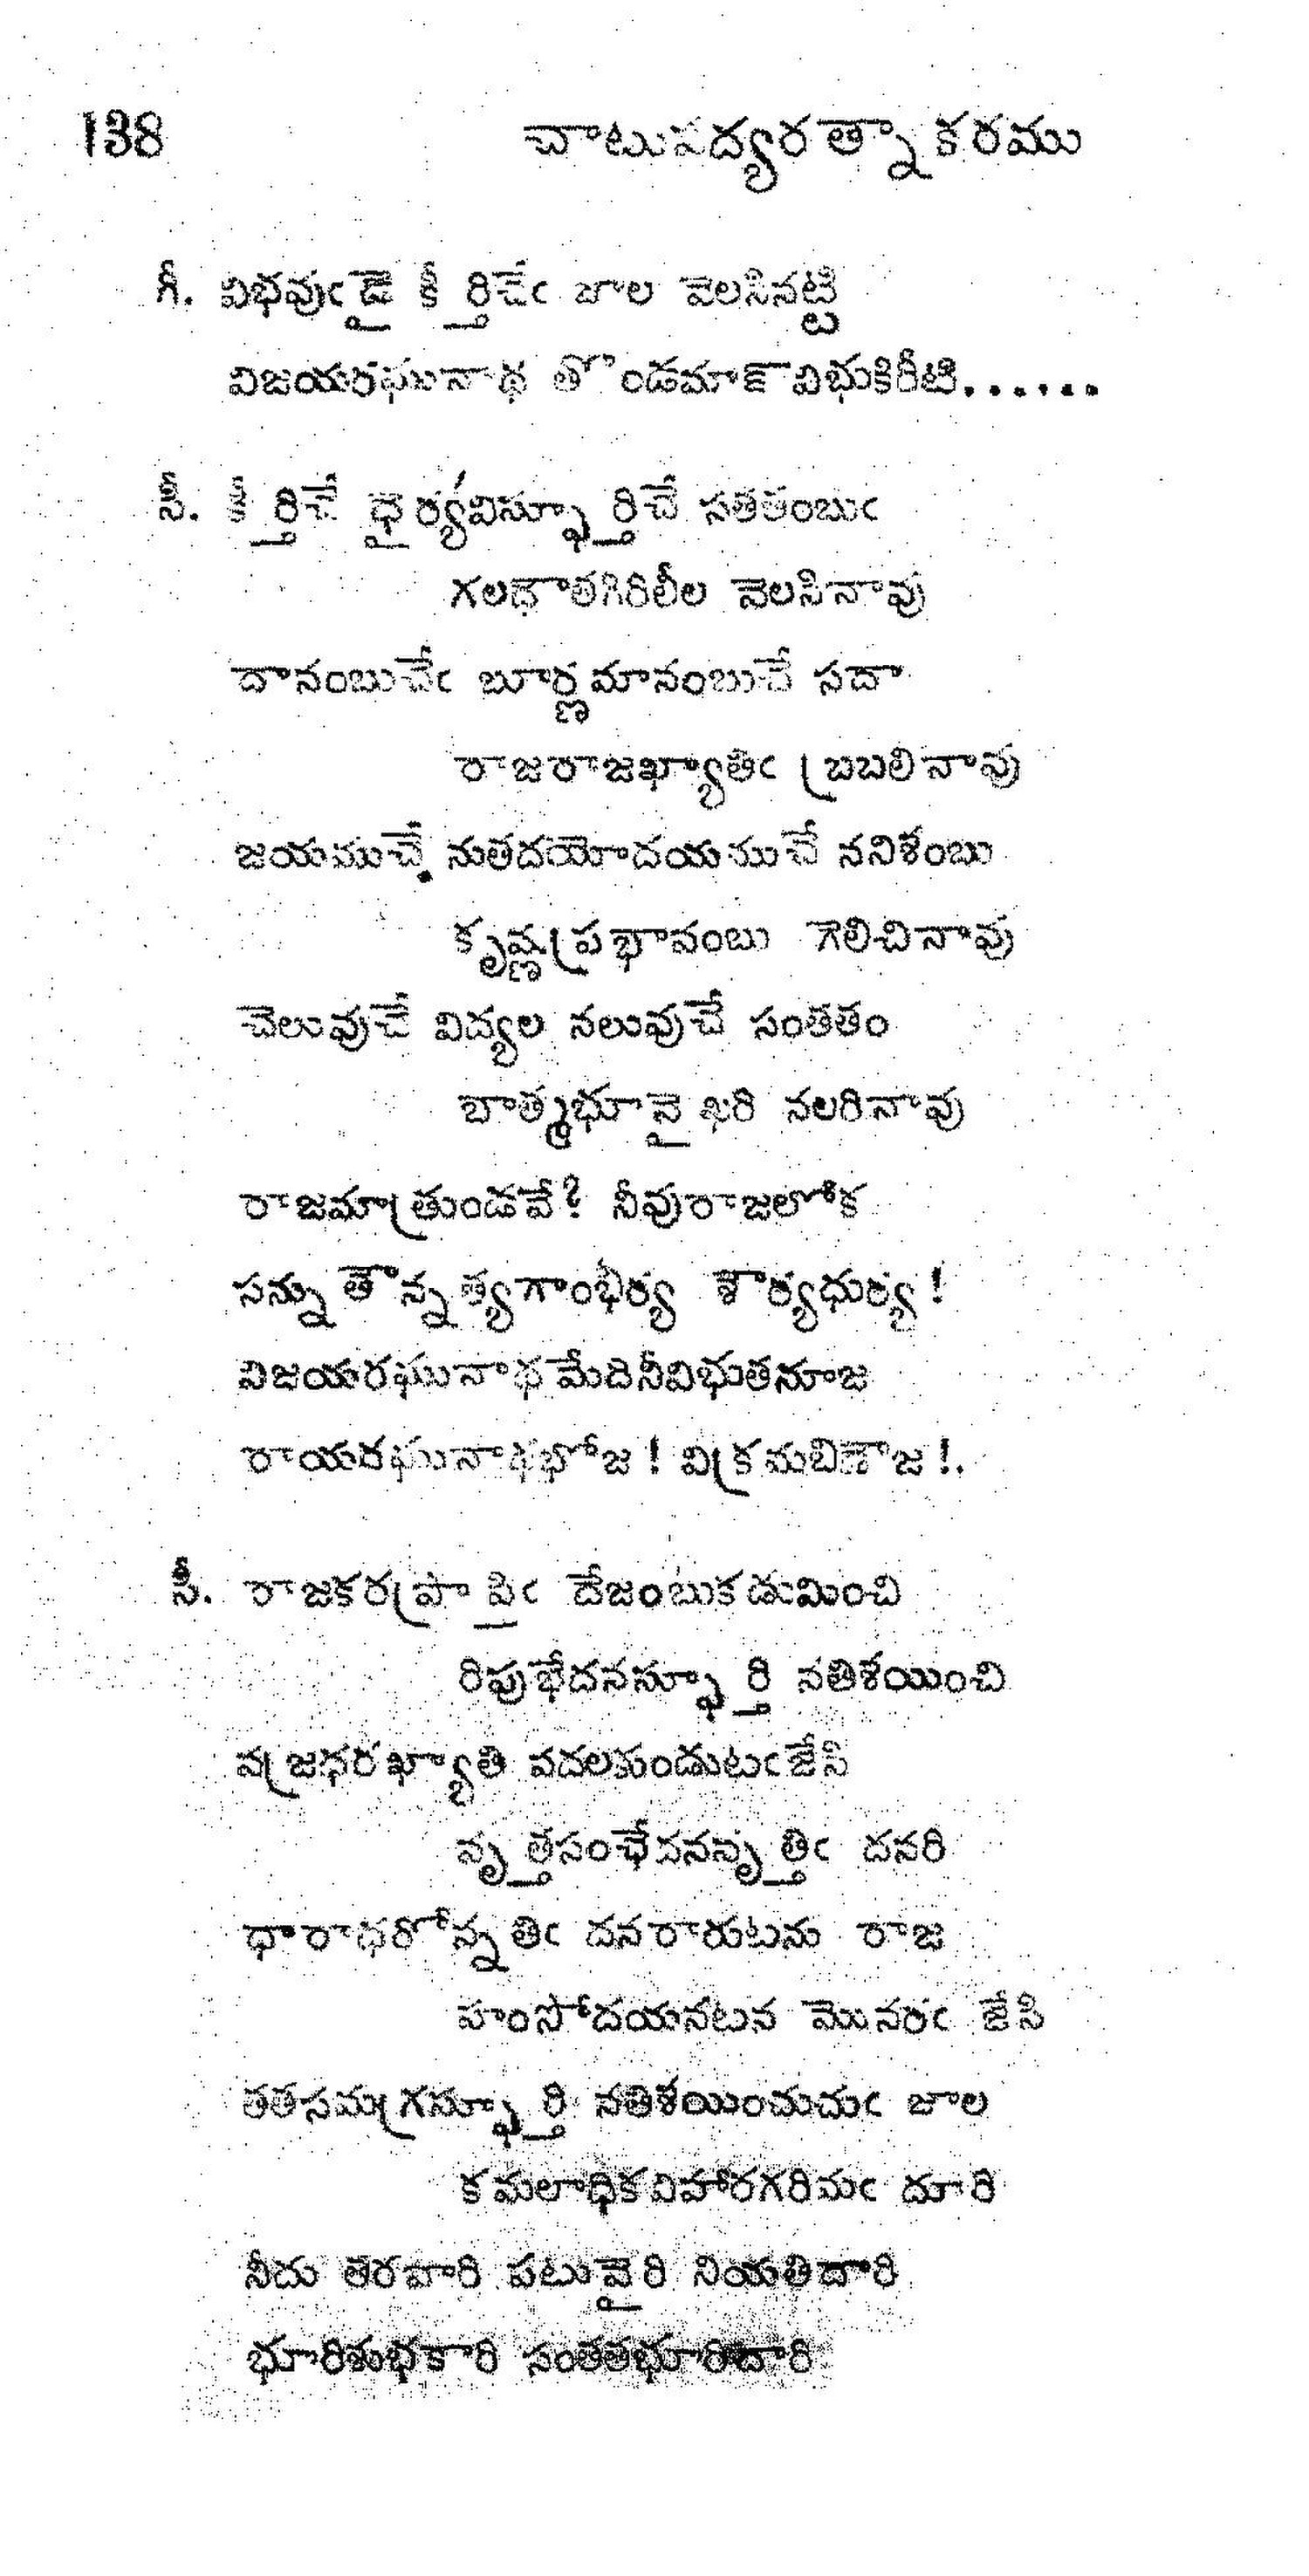గీ. విభవుఁడై కీర్తిచేఁ జాల వెలసినట్టి
 విజయరఘునాథ తొండమాన్ విభుకిరీటి
 ..............................

సీ. కీర్తిచే ధైర్యవిస్ఫూర్తిచే సతతంబుఁ
 గల ధౌతగిరిలీల వెలసినావు
 దానంబుచేఁ బూర్ణమానంబుచే సదా
 రాజరాజఖ్యాతిఁ బ్రబలినావు
 జయముచే నుతదయోదయముచే ననిశంబు
 కృష్ణప్రభావంబు గెలిచినావు
 చెలువుచే విద్యల నలువుచే సంతతం
 బాత్మభూవైఖరి నలరినావు
 రాజమాత్రుండవే? నీవు రాజలోక
 సన్నుతౌన్నత్యగాంభీర్యశౌర్యధుర్య!
 విజయరఘునాథమేదినీవిభుతనూజ
 రాయరఘునాథభోజ! విక్రమబిడౌజ!

సీ. రాజకరప్రాప్తిఁ దేజంబు కడుమించి
 రిపుభేదనస్ఫూర్తి నతిశయించి
 వజ్రధరఖ్యాతి వదలకుండుటఁ జేసి
 వృత్తసంఛేదనవృత్తిఁ దనరి
 ధారాధరోన్నతిఁ దనరారుటను రాజ
 హంసోదయనటన మొనరఁజేసి
 తతసమగ్రస్ఫూర్తి నతిశయించుచుఁ జాల
 కమలాధికవిహారగరిమఁ దూరి
 నీదు తరవారి పటువైరి నియతిదారి
 భూరిశుభకారి సంతతభూరిదారి